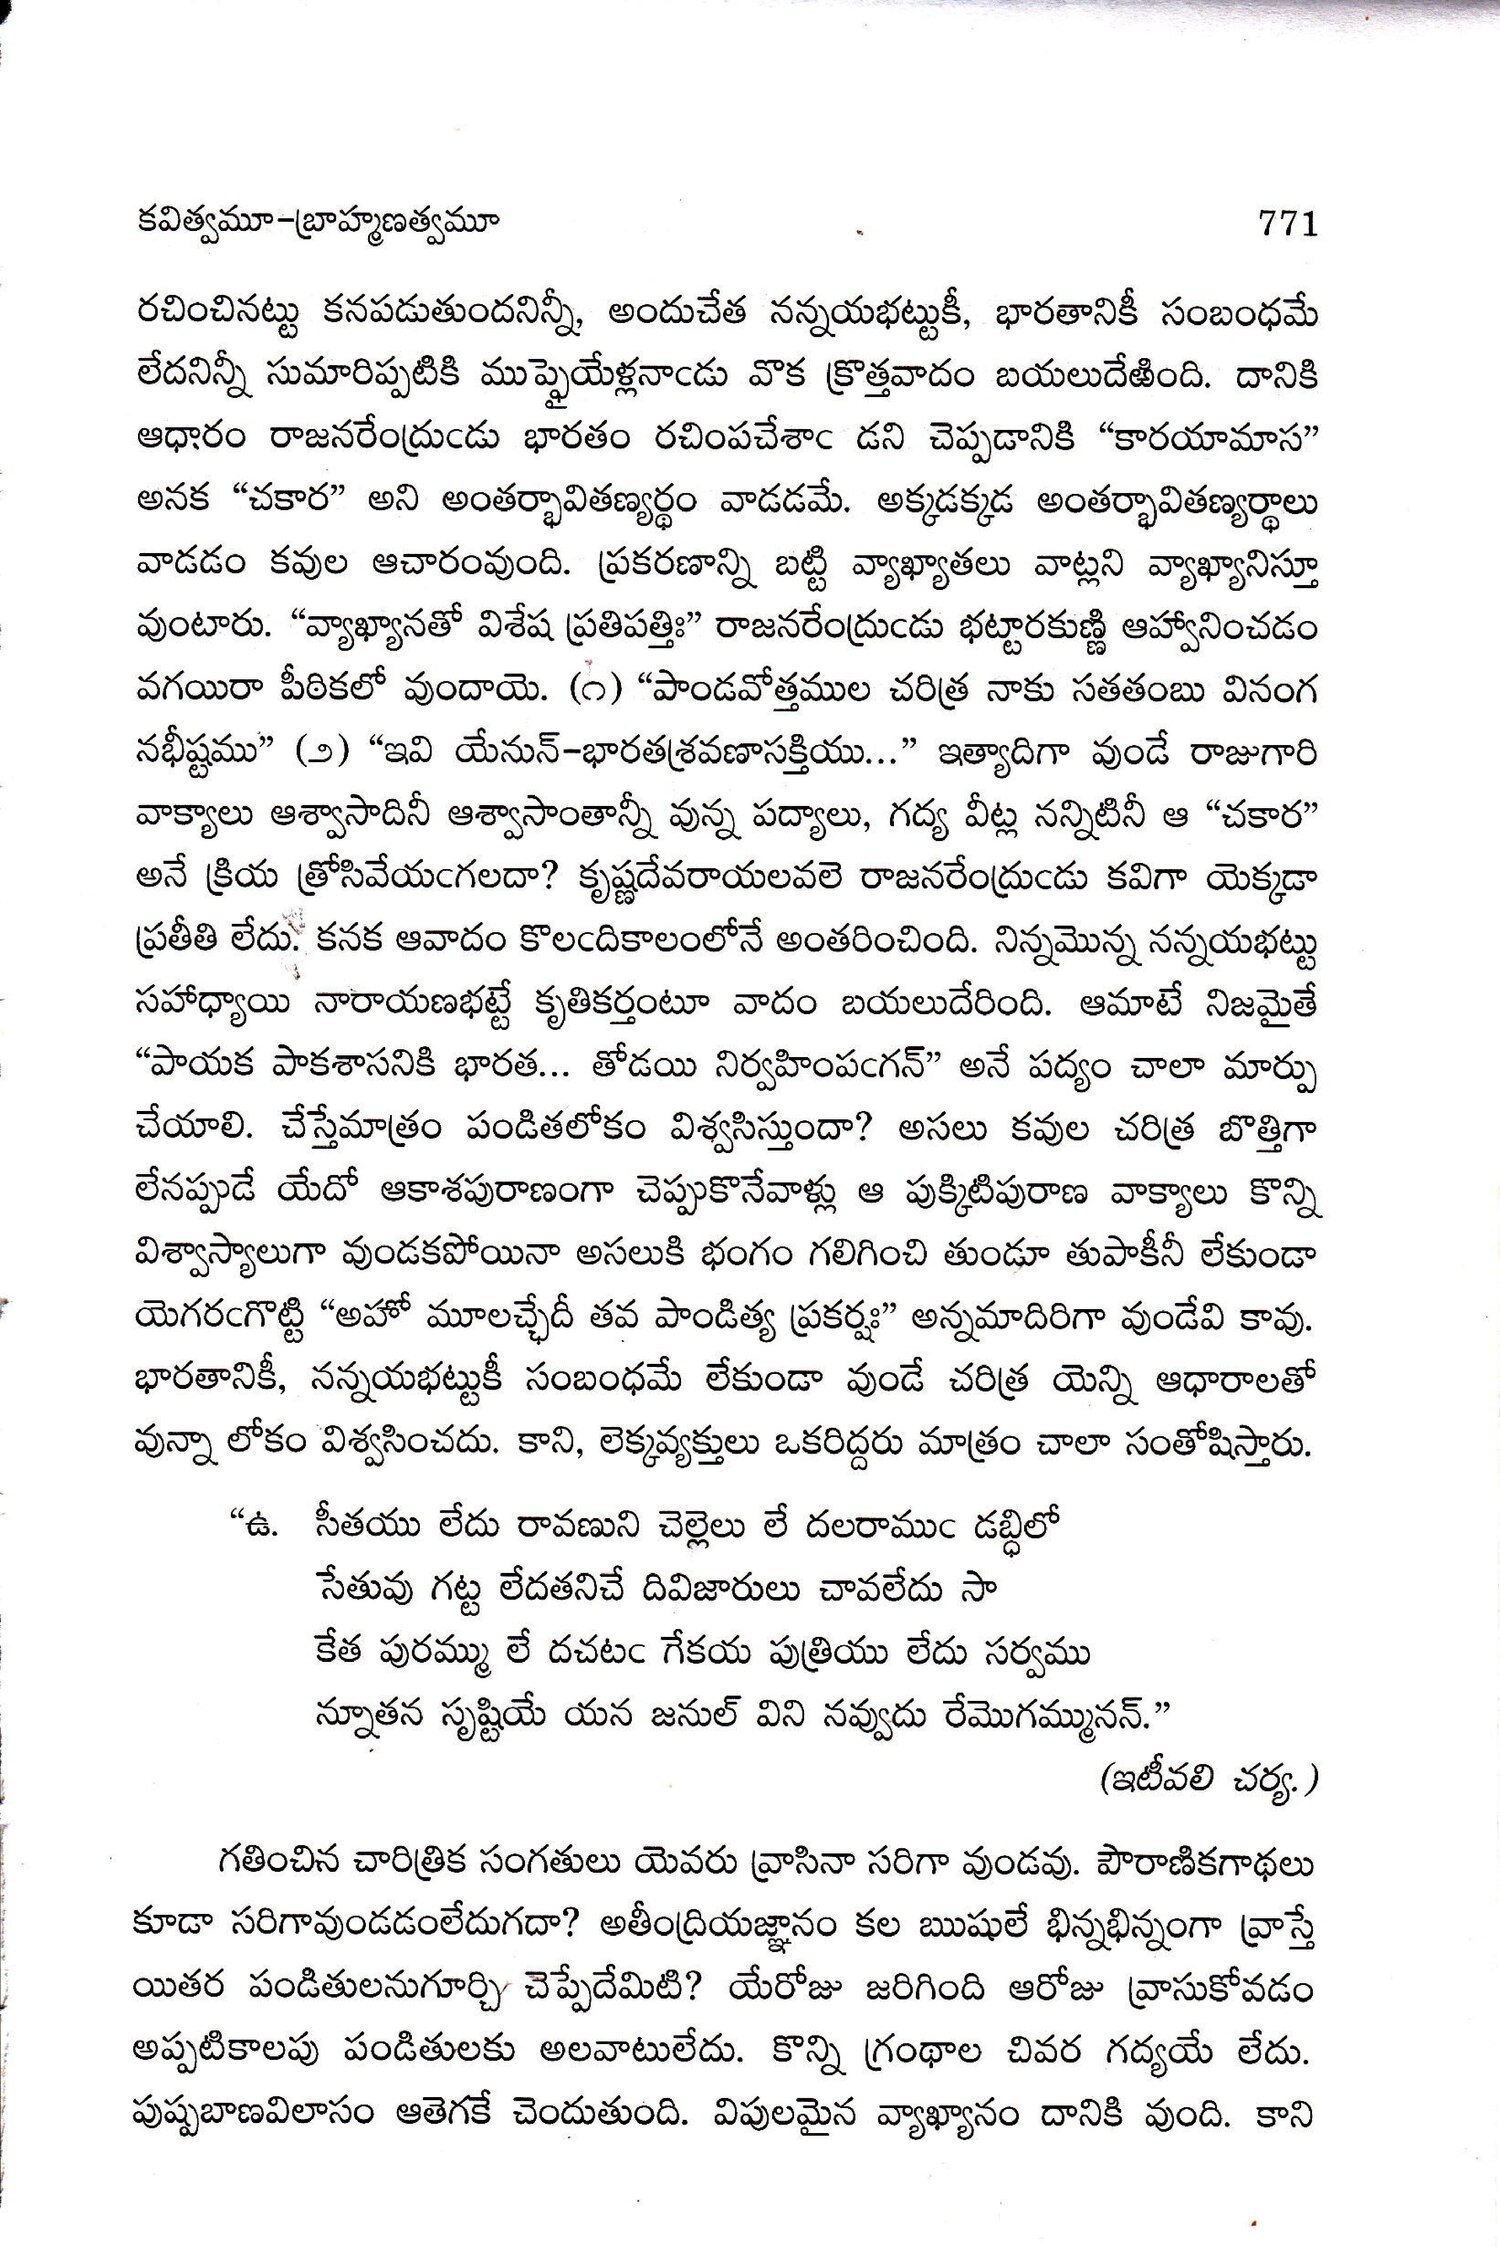రచించినట్టు కనపడుతుందనిన్నీ అందుచేత నన్నయభట్టుకీ, భారతానికీ సంబంధమే లేదనిన్నీ సుమారిప్పటికి ముప్ఫైయేళ్లనాఁడు వొక క్రొత్తవాదం బయలుదేఱింది. దానికి ఆధారం రాజనరేంద్రుఁడు భారతం రచింపచేశాఁ డని చెప్పడానికి “కారయామాస” అనక "చకార" అని అంతర్భావితణ్యర్థం వాడడమే. అక్కడక్కడ అంతర్భావితణ్యర్థాలు వాడడం కవుల ఆచారంవుంది. ప్రకరణాన్ని బట్టి వ్యాఖ్యాతలు వాట్లని వ్యాఖ్యానిస్తూ వుంటారు. “వ్యాఖ్యానతో విశేష ప్రతిపత్తిః" రాజనరేంద్రుఁడు భట్టారకుణ్ణి ఆహ్వానించడం వగయిరా పీఠికలో వుందాయె. (1) “పాండవోత్తముల చరిత్ర నాకు సతతంబు వినంగ నభీష్టము" (2) “ఇవి యేనున్-భారతశ్రవణాసక్తియు..." ఇత్యాదిగా వుండే రాజుగారి వాక్యాలు ఆశ్వాసాదినీ ఆశ్వాసాంతాన్నీ వున్న పద్యాలు, గద్య వీట్ల నన్నిటినీ ఆ “చకార' అనే క్రియ త్రోసివేయఁగలదా? కృష్ణదేవరాయలవలె రాజనరేంద్రుఁడు కవిగా యెక్కడా ప్రతీతి లేదు. కనక ఆవాదం కొలఁదికాలంలోనే అంతరించింది. నిన్నమొన్న నన్నయభట్టు సహాధ్యాయి నారాయణభట్టే కృతికర్తంటూ వాదం బయలుదేరింది. ఆమాటే నిజమైతే “పాయక పాకశాసనికి భారత... తోడయి నిర్వహింపఁగన్" అనే పద్యం చాలా మార్పు చేయాలి. చేస్తే మాత్రం పండితలోకం విశ్వసిస్తుందా? అసలు కవుల చరిత్ర బొత్తిగా లేనప్పుడే యేదో ఆకాశపురాణంగా చెప్పుకొనేవాళ్లు ఆ పుక్కిటిపురాణ వాక్యాలు కొన్ని విశ్వాస్యాలుగా వుండకపోయినా అసలుకి భంగం గలిగించి తుండూ తుపాకీనీ లేకుండా యెగరఁగొట్టి “అహో మూలచ్ఛేదీ తవ పాండిత్య ప్రకర్షః" అన్నమాదిరిగా వుండేవి కావు. భారతానికీ, నన్నయభట్టుకీ సంబంధమే లేకుండా వుండే చరిత్ర యెన్ని ఆధారాలతో వున్నా లోకం విశ్వసించదు. కాని, లెక్కవ్యక్తులు ఒకరిద్దరు మాత్రం చాలా సంతోషిస్తారు.

"ఉ. సీతయు లేదు రావణుని చెల్లెలు లే దలరాముఁ డబ్దిలో 
 సేతువు గట్ట లేదతనిచే దివిజారులు చావలేదు సా 
 కేత పురమ్ము లే దచటఁ గేకయ పుత్రియు లేదు సర్వము 
 న్నూతన సృష్టియే యన జనుల్ విని నవ్వదు రేమొగమ్మునన్."
 (ఇటీవలి చర్య)
గతించిన చారిత్రిక సంగతులు యెవరు వ్రాసినా సరిగా వుండవు. పౌరాణికగాథలు కూడా సరిగావుండడంలేదుగదా? అతీంద్రియజ్ఞానం కల ఋషులే భిన్నభిన్నంగా వ్రాస్తే యితర పండితులనుగూర్చి చెప్పేదేమిటి? యేరోజు జరిగింది ఆరోజు వ్రాసుకోవడం అప్పటికాలపు పండితులకు అలవాటులేదు. కొన్ని గ్రంథాల చివర గద్యయే లేదు. పుష్పబాణవిలాసం ఆతెగకే చెందుతుంది. విపులమైన వ్యాఖ్యానం దానికి వుంది. కాని